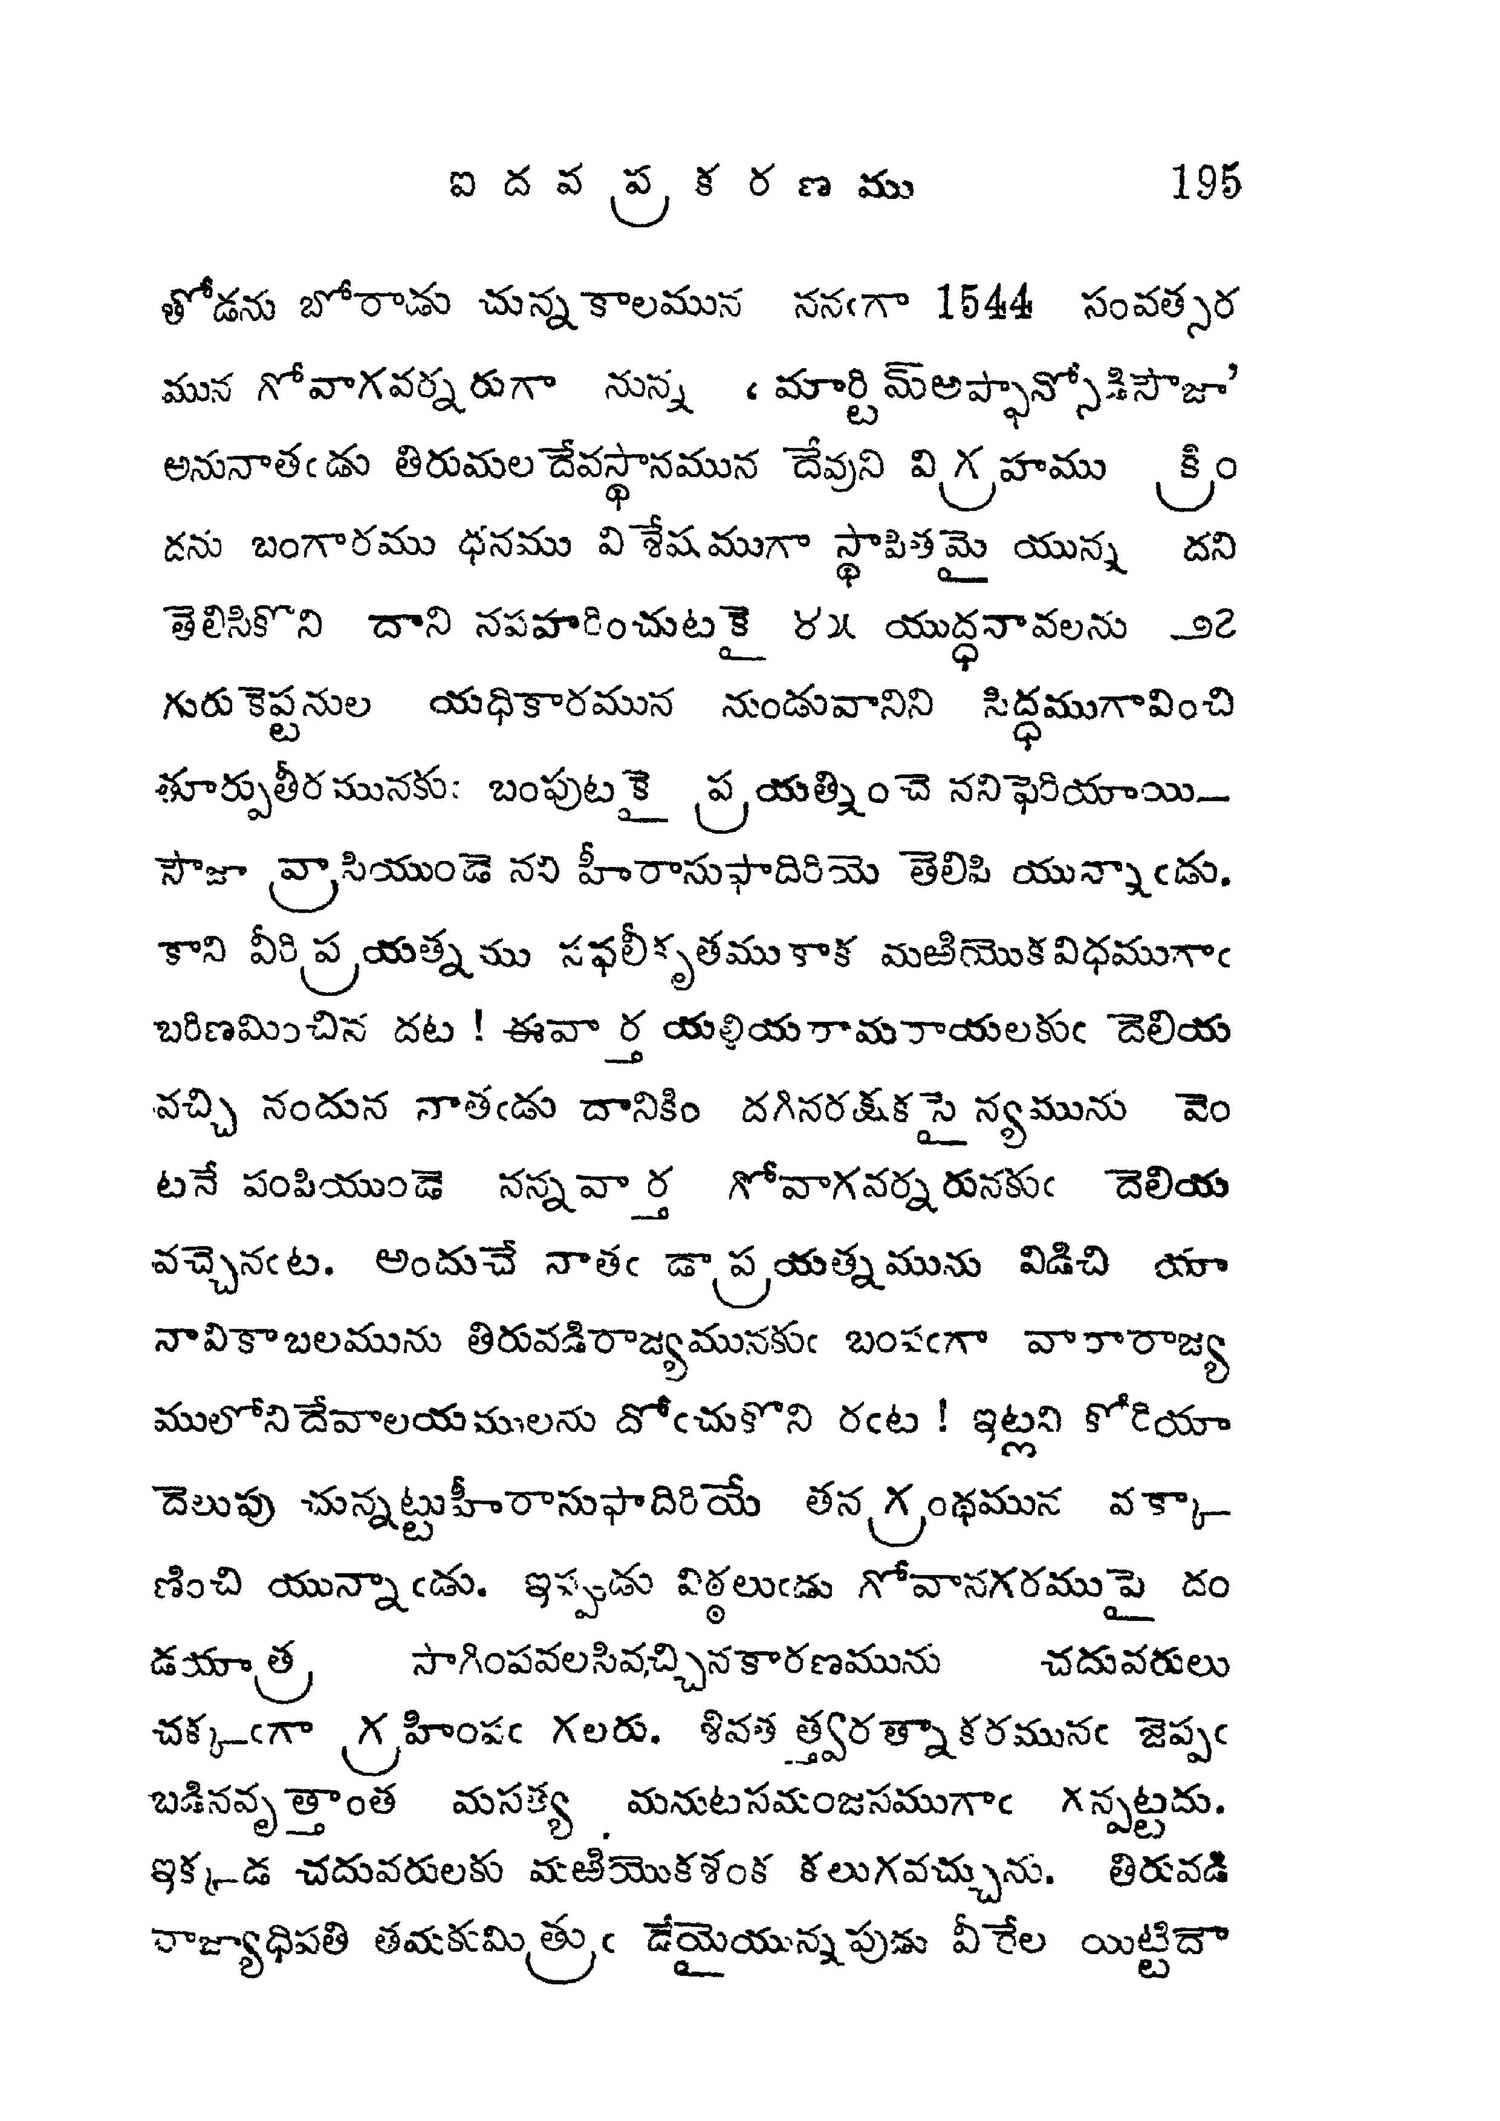తోడను బోరాడు చున్నకాలమున ననగా 1544 సంవత్సరమున గోవాగవర్నరుగా నున్న 'మార్టిమ్‌అప్ఫాన్సోడిసౌజా' అనునాతడు తిరుమల దేవస్థానమున దేవుని విగ్రహము క్రిందను బంగారము ధనము విశేషముగా స్థాపితమై యున్న దని తెలిసికొని దాని నపహరించుటకై 45 యుద్ధనావలను 27 గురుకెప్టనుల యధికారమున నుండువానిని సిద్ధముగావించి తూర్పుతీరమునకు బంపుటకై ప్రయత్నించె నని ఫెరియాయి - సౌజా వ్రాసియుండె నని హీరాసుఫాదిరియె తెలిపి యున్నాడు. కాని వీరిప్రయత్నము సఫలీకృతముకాక మఱియొకవిధముగా బరిణమించిన దట ! ఈవార్త యళియరామరాయలకు దెలియవచ్చి నందున నాతడు దానికిం దగినరక్షకసైన్యమును వెంటనే పంపియుండె నన్నవార్త గోవాగవర్నరునకు దెలియ వచ్చెనట. అందుచే నాత డాప్రయత్నమును విడిచి యా నావికాబలమును తిరువడిరాజ్యమునకు బంపగా వారారాజ్యములోని దేవాలయములను దోచుకొని రట ! ఇట్లని కోరియా దెలుపు చున్నట్టు హీరాసుఫాదిరియే తనగ్రంథమున వక్కాణించి యున్నాడు. ఇప్పుడు విఠ్ఠలుడు గోవానగరముపై దండయాత్ర సాగింపవలసివచ్చినకారణమును చదువరులు చక్కగా గ్రహింప గలరు. శివతత్త్వరత్నాకరమున జెప్పబడినవృత్తాంత మసత్య మనుటసమంజసముగా గన్పట్టదు. ఇక్కడ చదువరులకు మఱియొకశంక కలుగవచ్చును. తిరువడి రాజ్యాధిపతి తమకుమిత్రు డేయైయున్నపుడు వీరేల యిట్టిదౌ